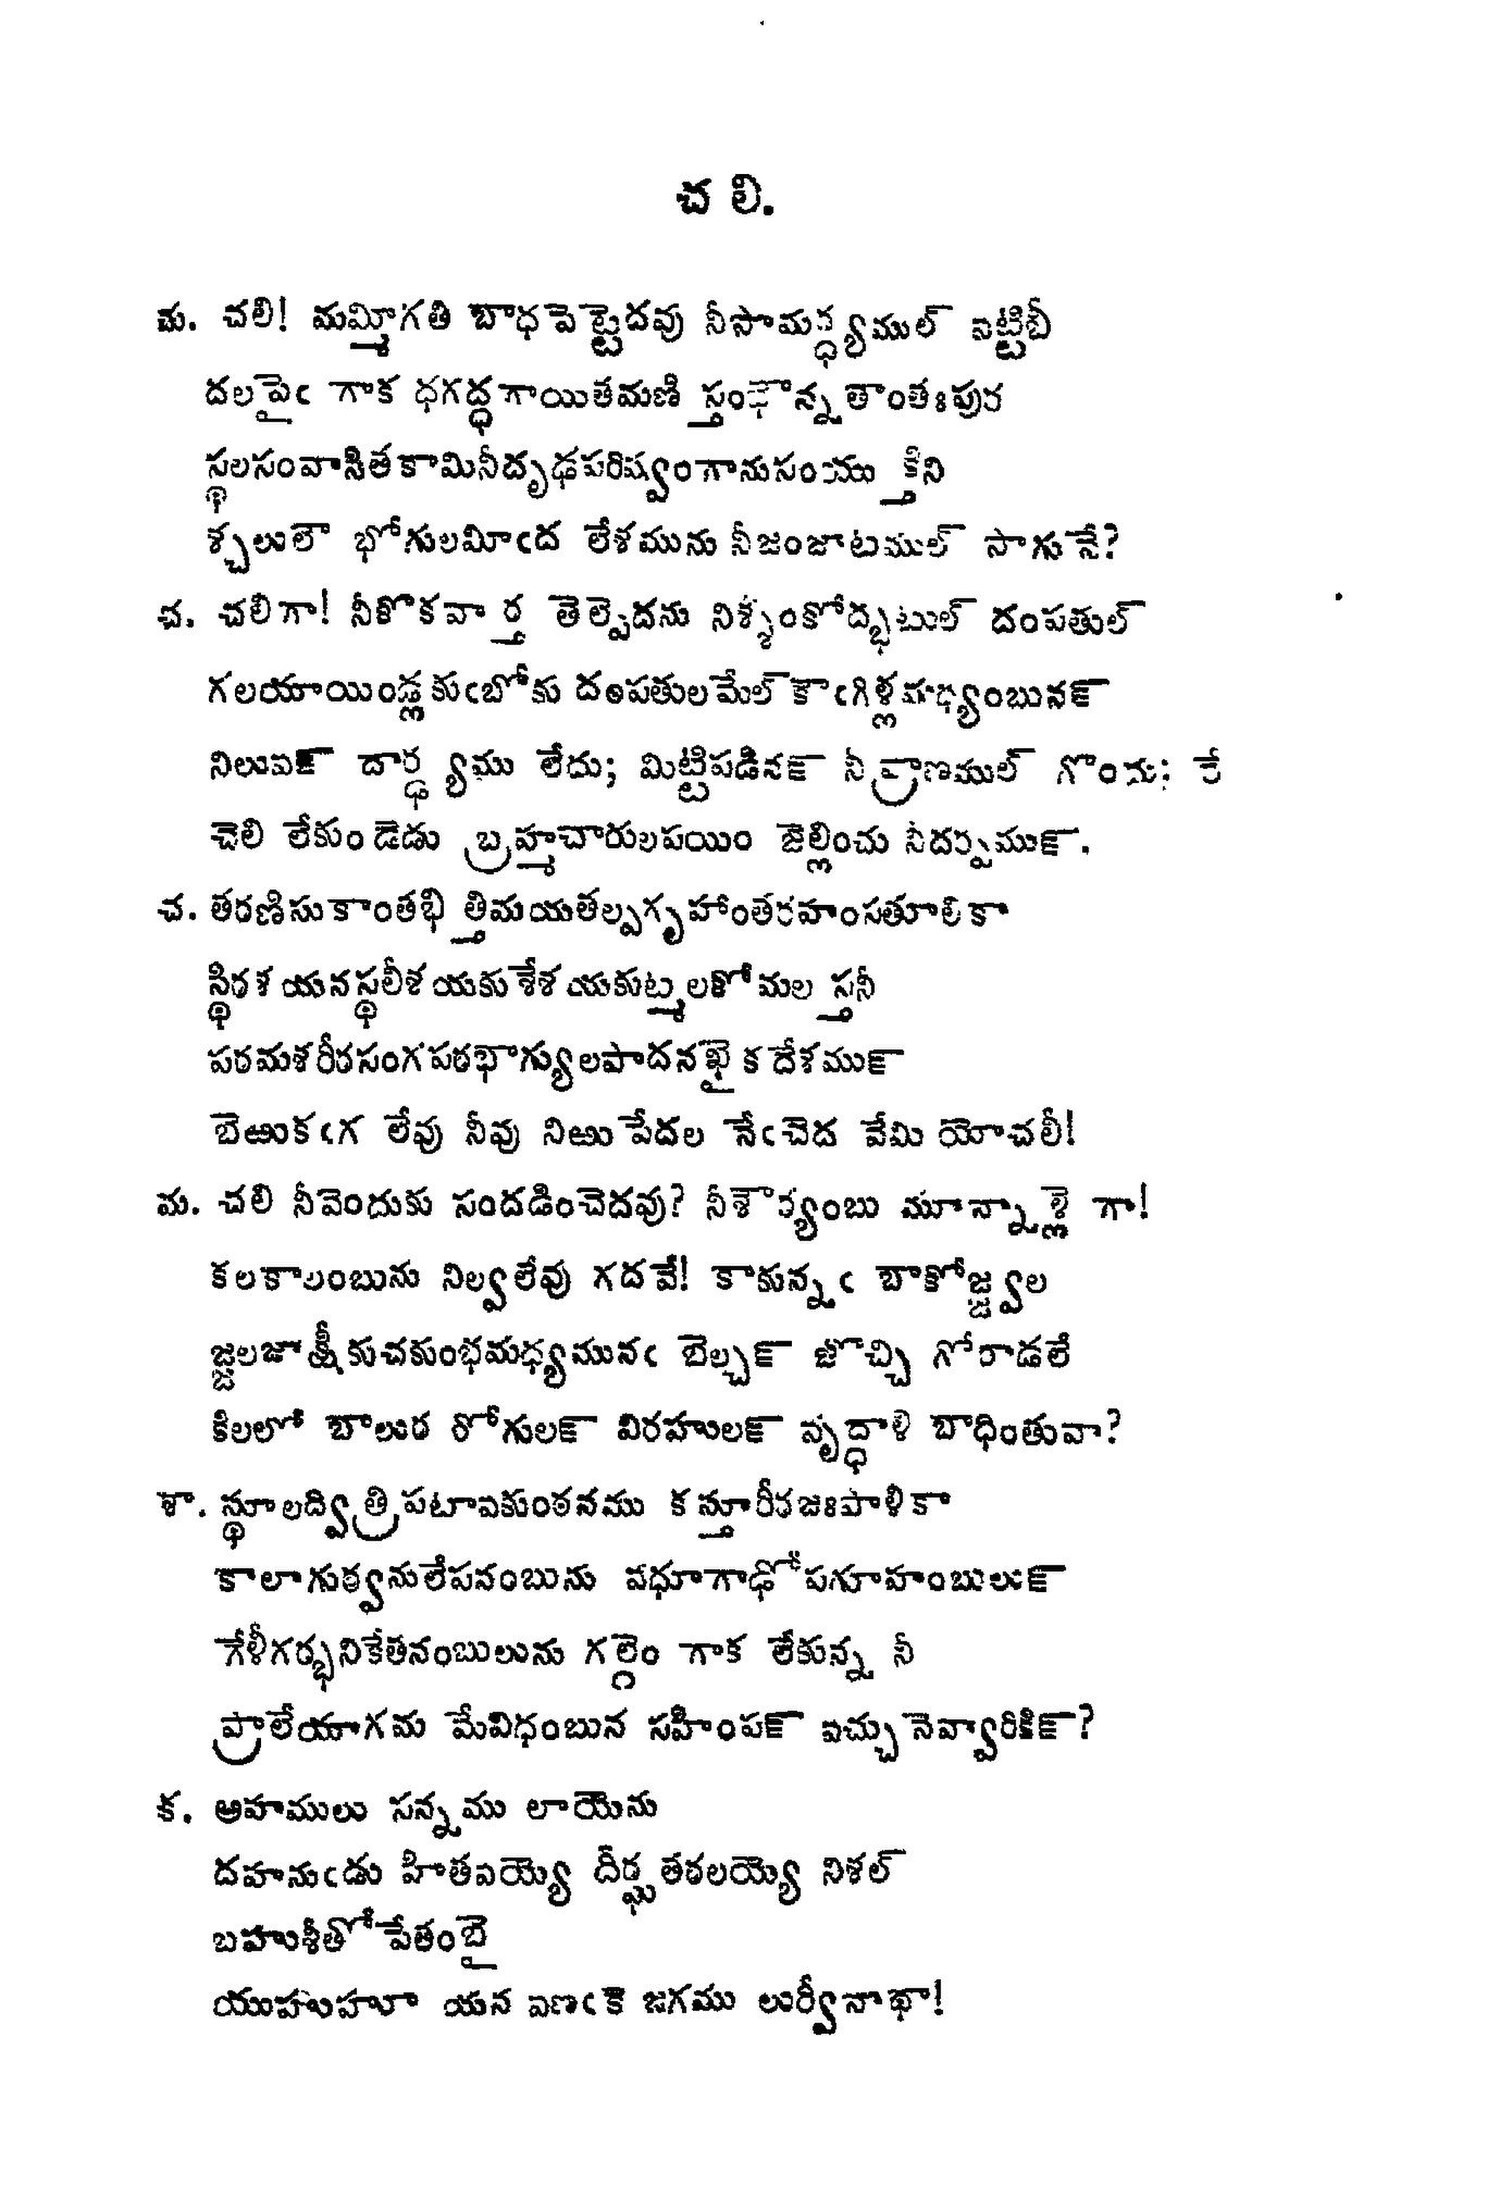మ. చలి! మమ్మీగతి బాధపెట్టెదవు నీసామర్థ్యముల్ వట్టిబీ
 దలపైఁ గాక ధగద్ధగాయితమణిస్తంభౌన్నతాంతఃపుర
 స్థలసంవాసితకామినీదృఢపరిష్వంగానుసంయుక్తిని
 శ్చలులౌ భోగులమీఁద లేశమును నీజంజాటముల్ సాగునే?
చ. చలిగా! నీకొకవార్త తెల్పెదను నిశ్శంకోద్భటుల్ దంపతుల్
 గలయాయిండ్లకుఁ బోకు దంపతుల మేల్ కౌఁగిళ్ళమధ్యంబునన్
 నిలువన్ దార్ఢ్యము లేదు; మిట్టిపడినన్ నీప్రాణముల్ గొందు; రే
 చెలి లేకుండెడు బ్రహ్మచారులపయిం జెల్లించు నీదర్పమున్.
చ. తరణిసుకాంతభిత్తిమయతల్పగృహాంతరహంసతూలికా
 స్థిరశయనస్థలీశయకుశేశయకుట్మలకోమలస్తనీ
 పరమశరీరసంగపరభాగ్యులపాదనఖైకదేశమున్
 బెఱుకఁగ లేవు నీవు నిఱుపేదల నేఁచెద వేమి యోచలీ!
మ. చలి నీ వెందుకు సందడించెదవు? నీశౌర్యంబు మూన్నాళ్ళె గా!
 కలకాలంబును నిల్వలేవు గదవే! కాకున్నఁ బాకోజ్జ్వల
 జ్జలజాక్షీకుచకుంభమధ్యమునఁ బెల్చన్ జొచ్చి గోరాడలే
 కిలలో బాలుర రోగులన్ విరహులన్ వృద్ధాళి బాధుంతువా?
శా. స్థూలద్విత్రిపటావకుంఠనము కస్తూరీరజఃపాళికా
 కాలాగుర్వనులేపనంబును వధూగాఢోపగూహంబులున్
 గేళీగర్భనికేతనంబులును గల్గెం గాక లేకున్న నీ
 ప్రాలేయాగమ మేవిధంబున సహింపన్ వచ్చు నెవ్వారికిన్?
క. అహములు సన్నము లాయెను
 దహనుఁడు హితవయ్యె దీర్ఘతరలయ్యె నిశల్
 బహుశీతోపేతంబై
 యుహుహూ యన వణఁకె జగము లుర్వీనాథా!